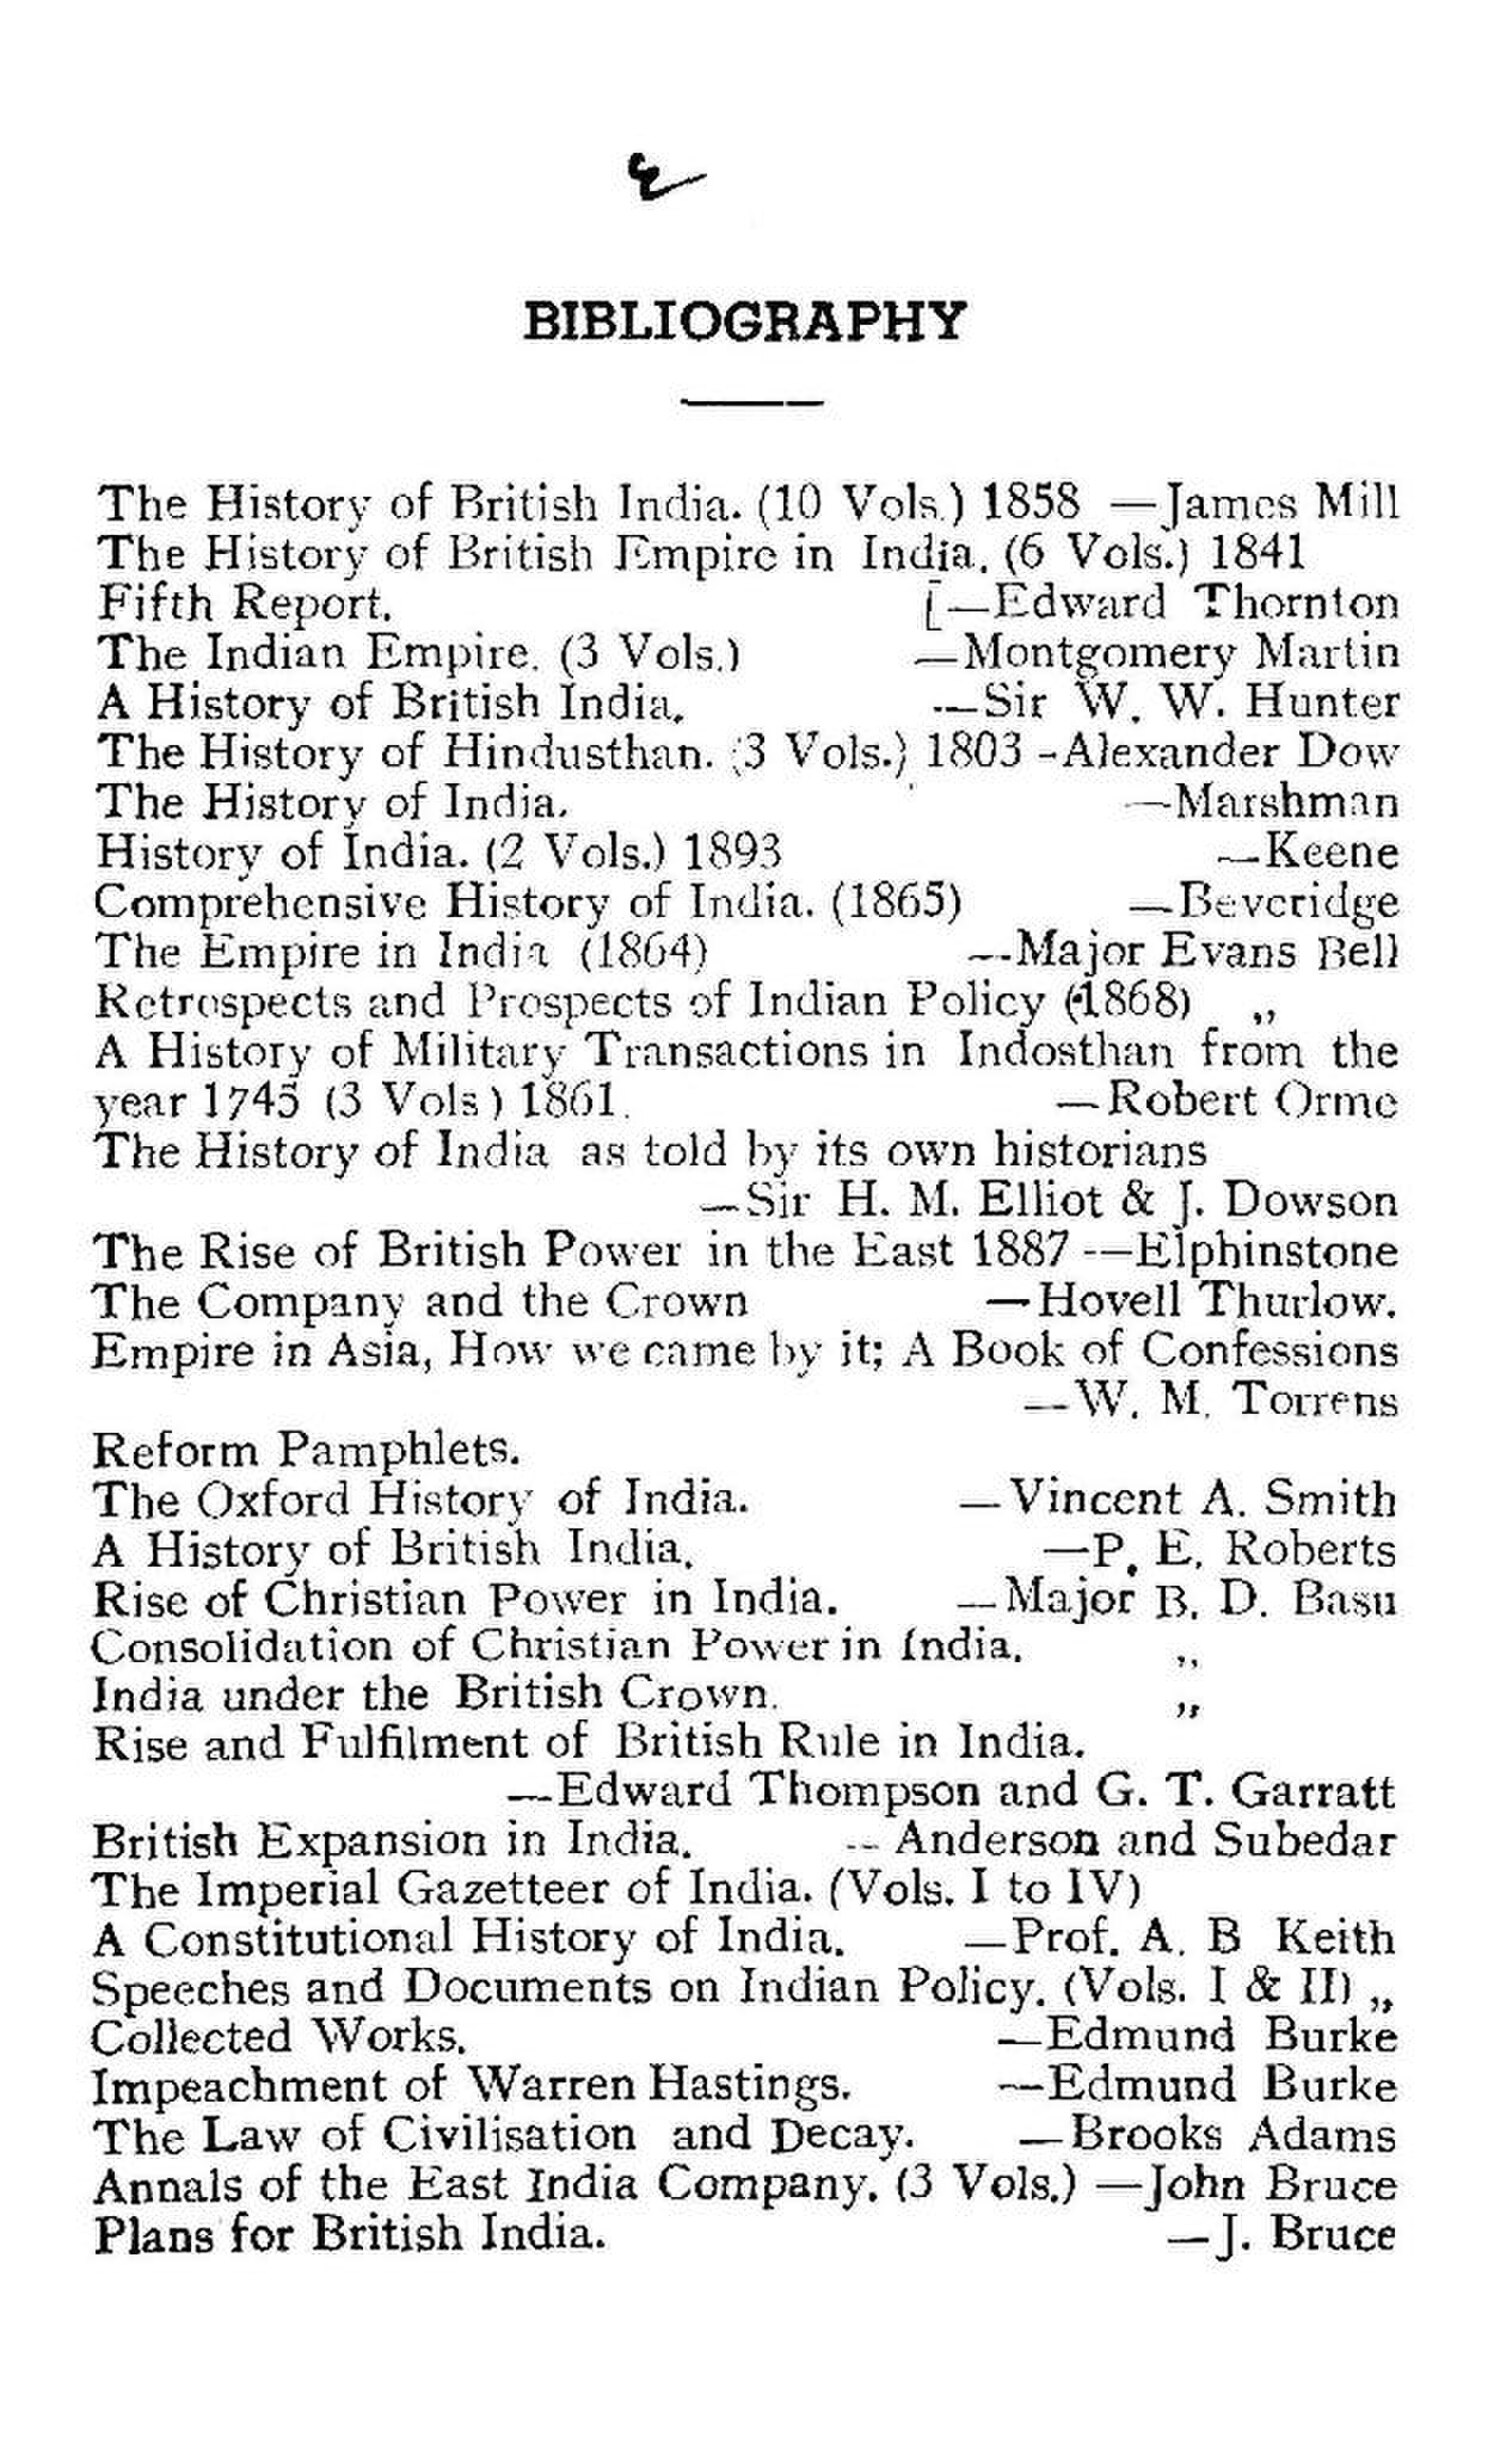BIBLIOGRAPHY

The History of British India. (10 Vols.) 1858 – James Mill 

The History of British Empire in India. (6 Vols.) 1841 Fifth Report. -Edward Thornton 

The Indian Empire. (3 Vols.) -- Montgomery Martin 

A History of British India. -- Sir W. W. Hunter 

The History of Hindusthan. :3 Vols.) 1803 -- Alexander Dow 

The History of India, -- Marshman 

History of India. (2 Vols.) 1893 -- Keene 

Comprehensive History of India. (1865) - Beveridge 

The Empire in India (1864) --Major Evans Bell 

Retrospects and Prospects of Indian Policy (1868). 

A History of Military Transactions in Indosthan from the year 1745 (3 Vols) 1861. - Robert Orme 

The History of India as told by its own historians -Sir H. M. Elliot & T. Dowson 

The Rise of British Power in the East 1887 --Elphinstone 

The Company and the Crown - Hovell Thurlow. 

Empire in Asia, How we came by it; A Book of Confessions --W. M. Torrens 

Reform Pamphlets. 

The Oxford History of India. - Vincent A. Smith 

A History of British India. -P. E, Roberts 

Rise of Christian Power in India. -- Major B. D. Basu 

Consolidation of Christian Power in India, 

India under the British Crown Rise and Fulfilment of British Rule in India.---Edward Thompson and G. T. Garratt 

British Expansion in India. Anderson and Subedar 

The Imperial Gazetteer of India. (Vols. I to IV) 

A Constitutional History of India. - Prof. A. B Keith 

Speeches and Documents on Indian Policy. (Vols. I & II). 

Collected Works. -Edmund Burke 

Impeachment of Warren Hastings. --Edmund Burke 

The Law of Civilisation and Decay. - Brooks Adams 

Annals of the East India Company. (3 Vols.) - John Bruce 

Plans for British India.-J. Bruce